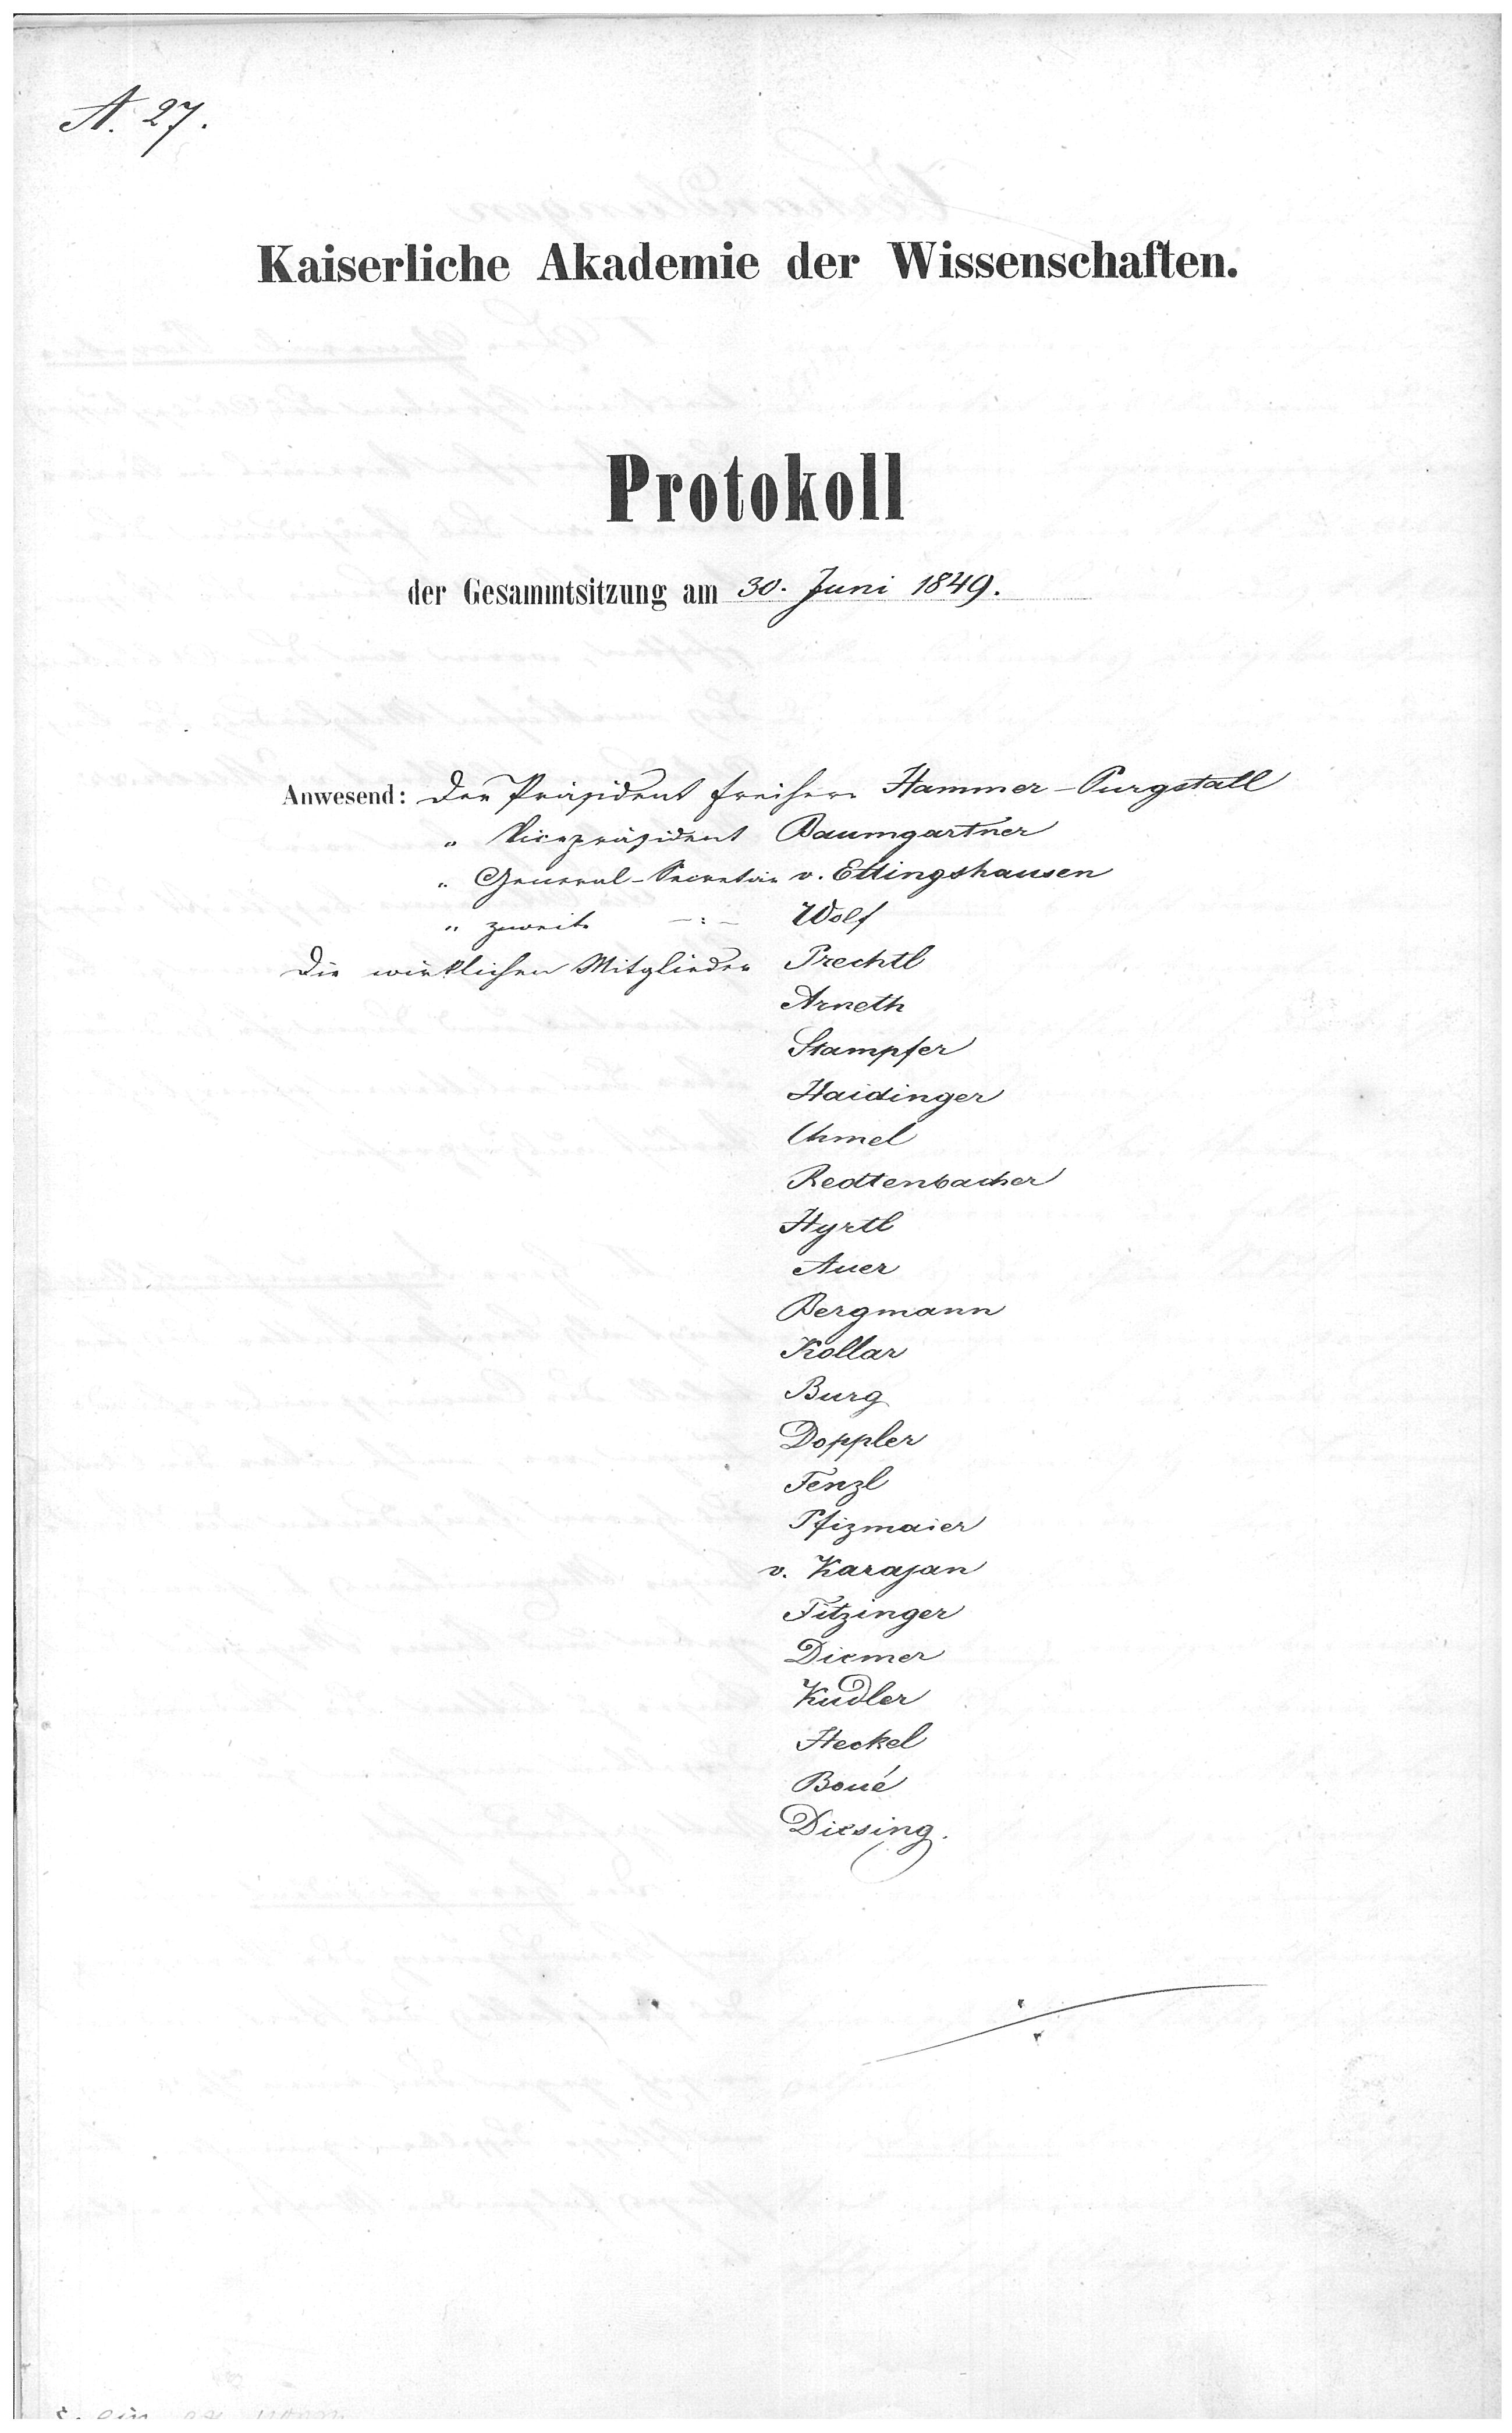A. 27.
Kaiserliche Akademie der Wissenschaften.
Protokoll
der Gesammtsitzung am 30. Juni 1849.
der Präsident Freiherr Hammer-Purgstall
" Vicepräsident Baumgartner
" General-Secretär v. Ettingshausen
" zweite -:- Wolf
Anwesend:
Prechtl
Arneth
Stampfer
Haidinger
Chmel
Redtenbacher
Hyrtl
Auer
Bergmann
Kollar
Burg
Doppler
Fenzl
Pfizmaier
v. Karajan
Fitzinger
Diemer
Kudler
Heckel
Boué
Diesing
Die wirklichen Mitglieder